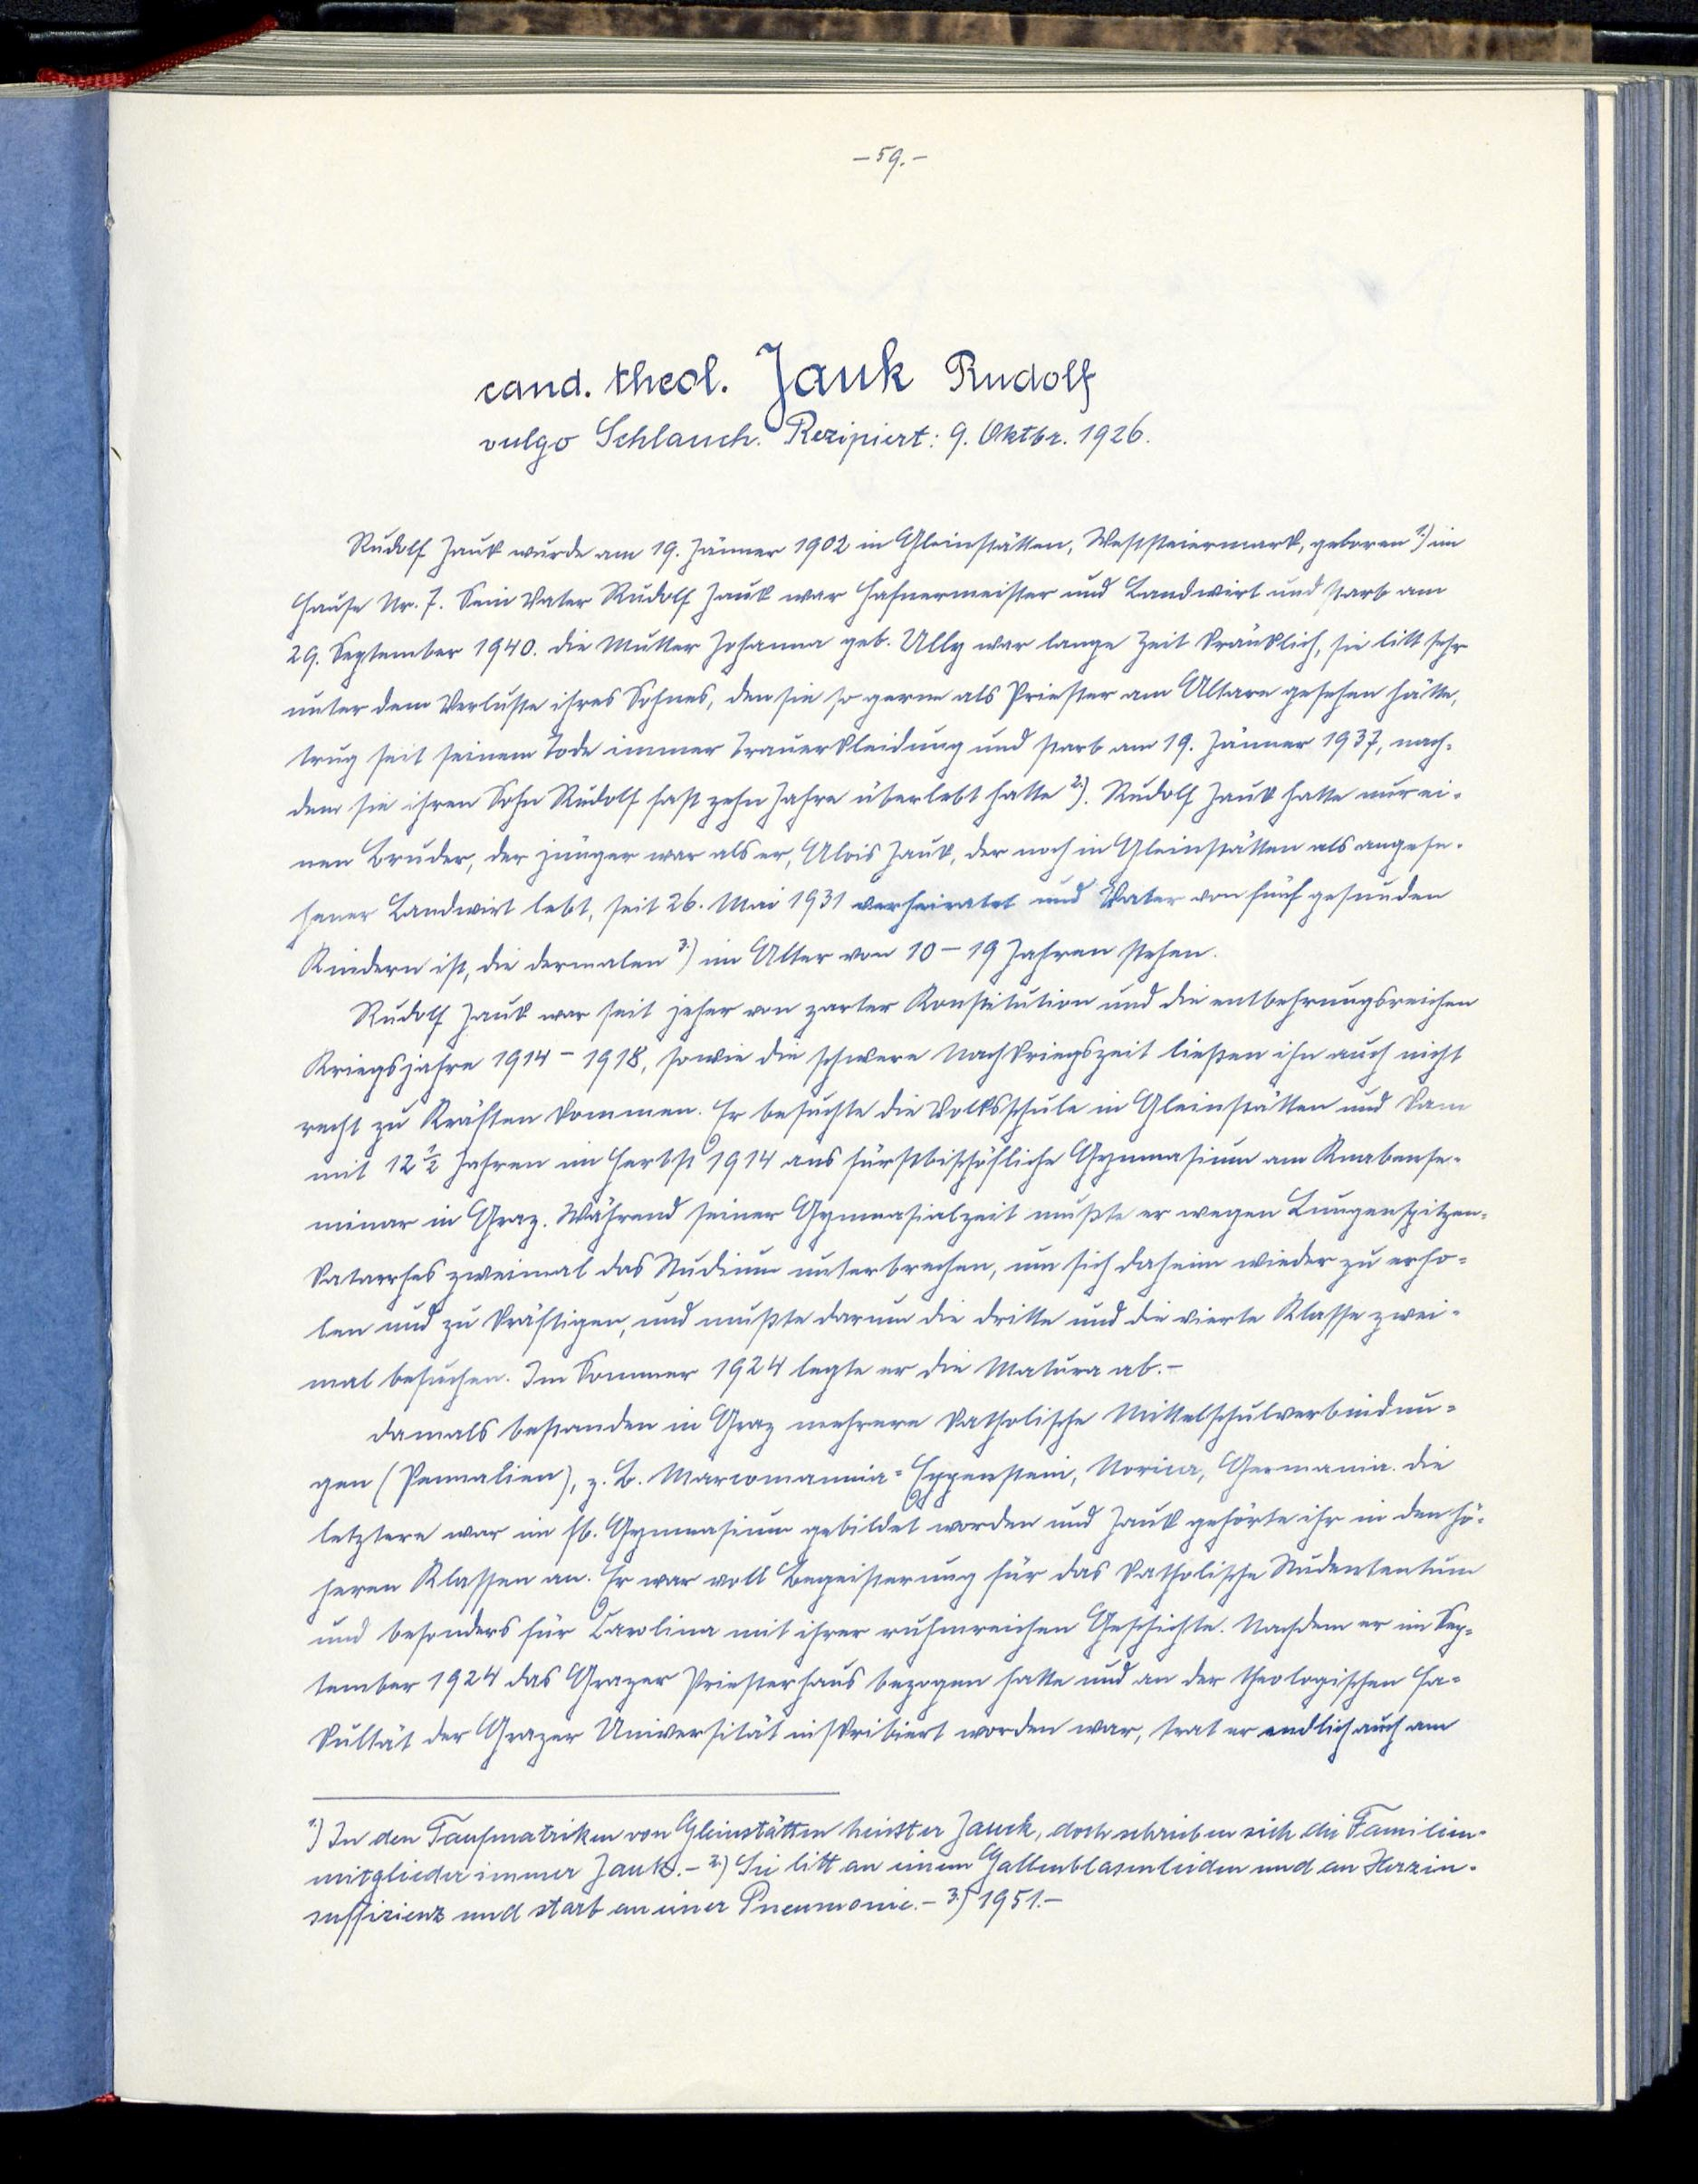59
cand. theol. Jauk Rudolf
vulgo Schlauch. Rezipiert 9. Oktobr. 1926
Rudolf Jauk wurde am 19. Jänner 1902 in Gleinstätten, Weststeiermark, geboren 1) im
Hause Nr. 7. Sein Vater Rudolf Jauk war Hafnermeister und Landwirt und starb am
29. September 1940. Die Mutter Johanna geb. Ally war lange Zeit kränklich, sie litt sehr
unter dem Verluste ihres Sohnes, den sie so gern als Priester am Altare gesehen hätte,
trug seit seinem Tode immer Trauerkleidung und starb am 19. Jänner 1937, nach-
dem sie ihren Sohn Rudolf fast zehn Jahre überlebt hatte.2) Rudolf Jauch hatte nur ei-
nen Bruder, der jünger war es er, Alois Jauk, der noch in Gleinstätten als angeseh-
hener Landwirt lebt, seit 26. Mai 1931 verheiratet und Vater von fünf gesunden
Kindern ist, die dermalen 3) im Alter von 10-19 Jahren stehen.
Rudolf Jauk war seit jeher von zarter Konstitution und die entbehrungsreichen
Kriegsjahre 1914-1918, sowie die schwere Nachkriegszeit ließen ihn auch nicht
recht zu Kräften kommen. Er besuchte die Volksschule in Gleinstätten und kam
mit 12 1/2 Jahren im Herbst 1914 ans fürstbischöfliche Gymnasium am Knabense-
minar in Graz. Während seine Gymnasialzeit mußte er wegen jungen Lungenspitzen-
katarrhes zweimal das Studium unterbrechen, um sich daheim wieder zu erho-
len und zu kräftigen, und mußte der dritte und vierte Klasse zwei-
mal besuchen. Im Sommer 1924 legte er die Matura ab.
Damals bestanden in Graz mehrere katholische Mittelschulverbindun-
gen (Pennalien), z. B. Marcomannia-Eppenstein, Norica, Germania. Die
letztere war am fb. Gymnasien gebildet worden und Jauk gehörte ihr in den hö-
heren Klassen an. Er war voll Begeisterung für das katholische Studententum
und besonders für Carolina mit ihrer ruhmreichen Geschichte. Nachdem er im Sep-
tember 1924 das Grazer Priesterhaus bezogen hatte und an der theologischen Fa-
kultät der Grazer Universität inskribiert worden war, trat er endlich auch am
1) In den Taufmatriken von Gleinstätten heißt er Jauk, doch schrieben sich die Famlien-
mitglieder immer Jauck. 2) Sie litt an einem Gallenblasenleiden und an Herzin-
suffizienz und starb an einer Pneumonie.- 3) 1951.